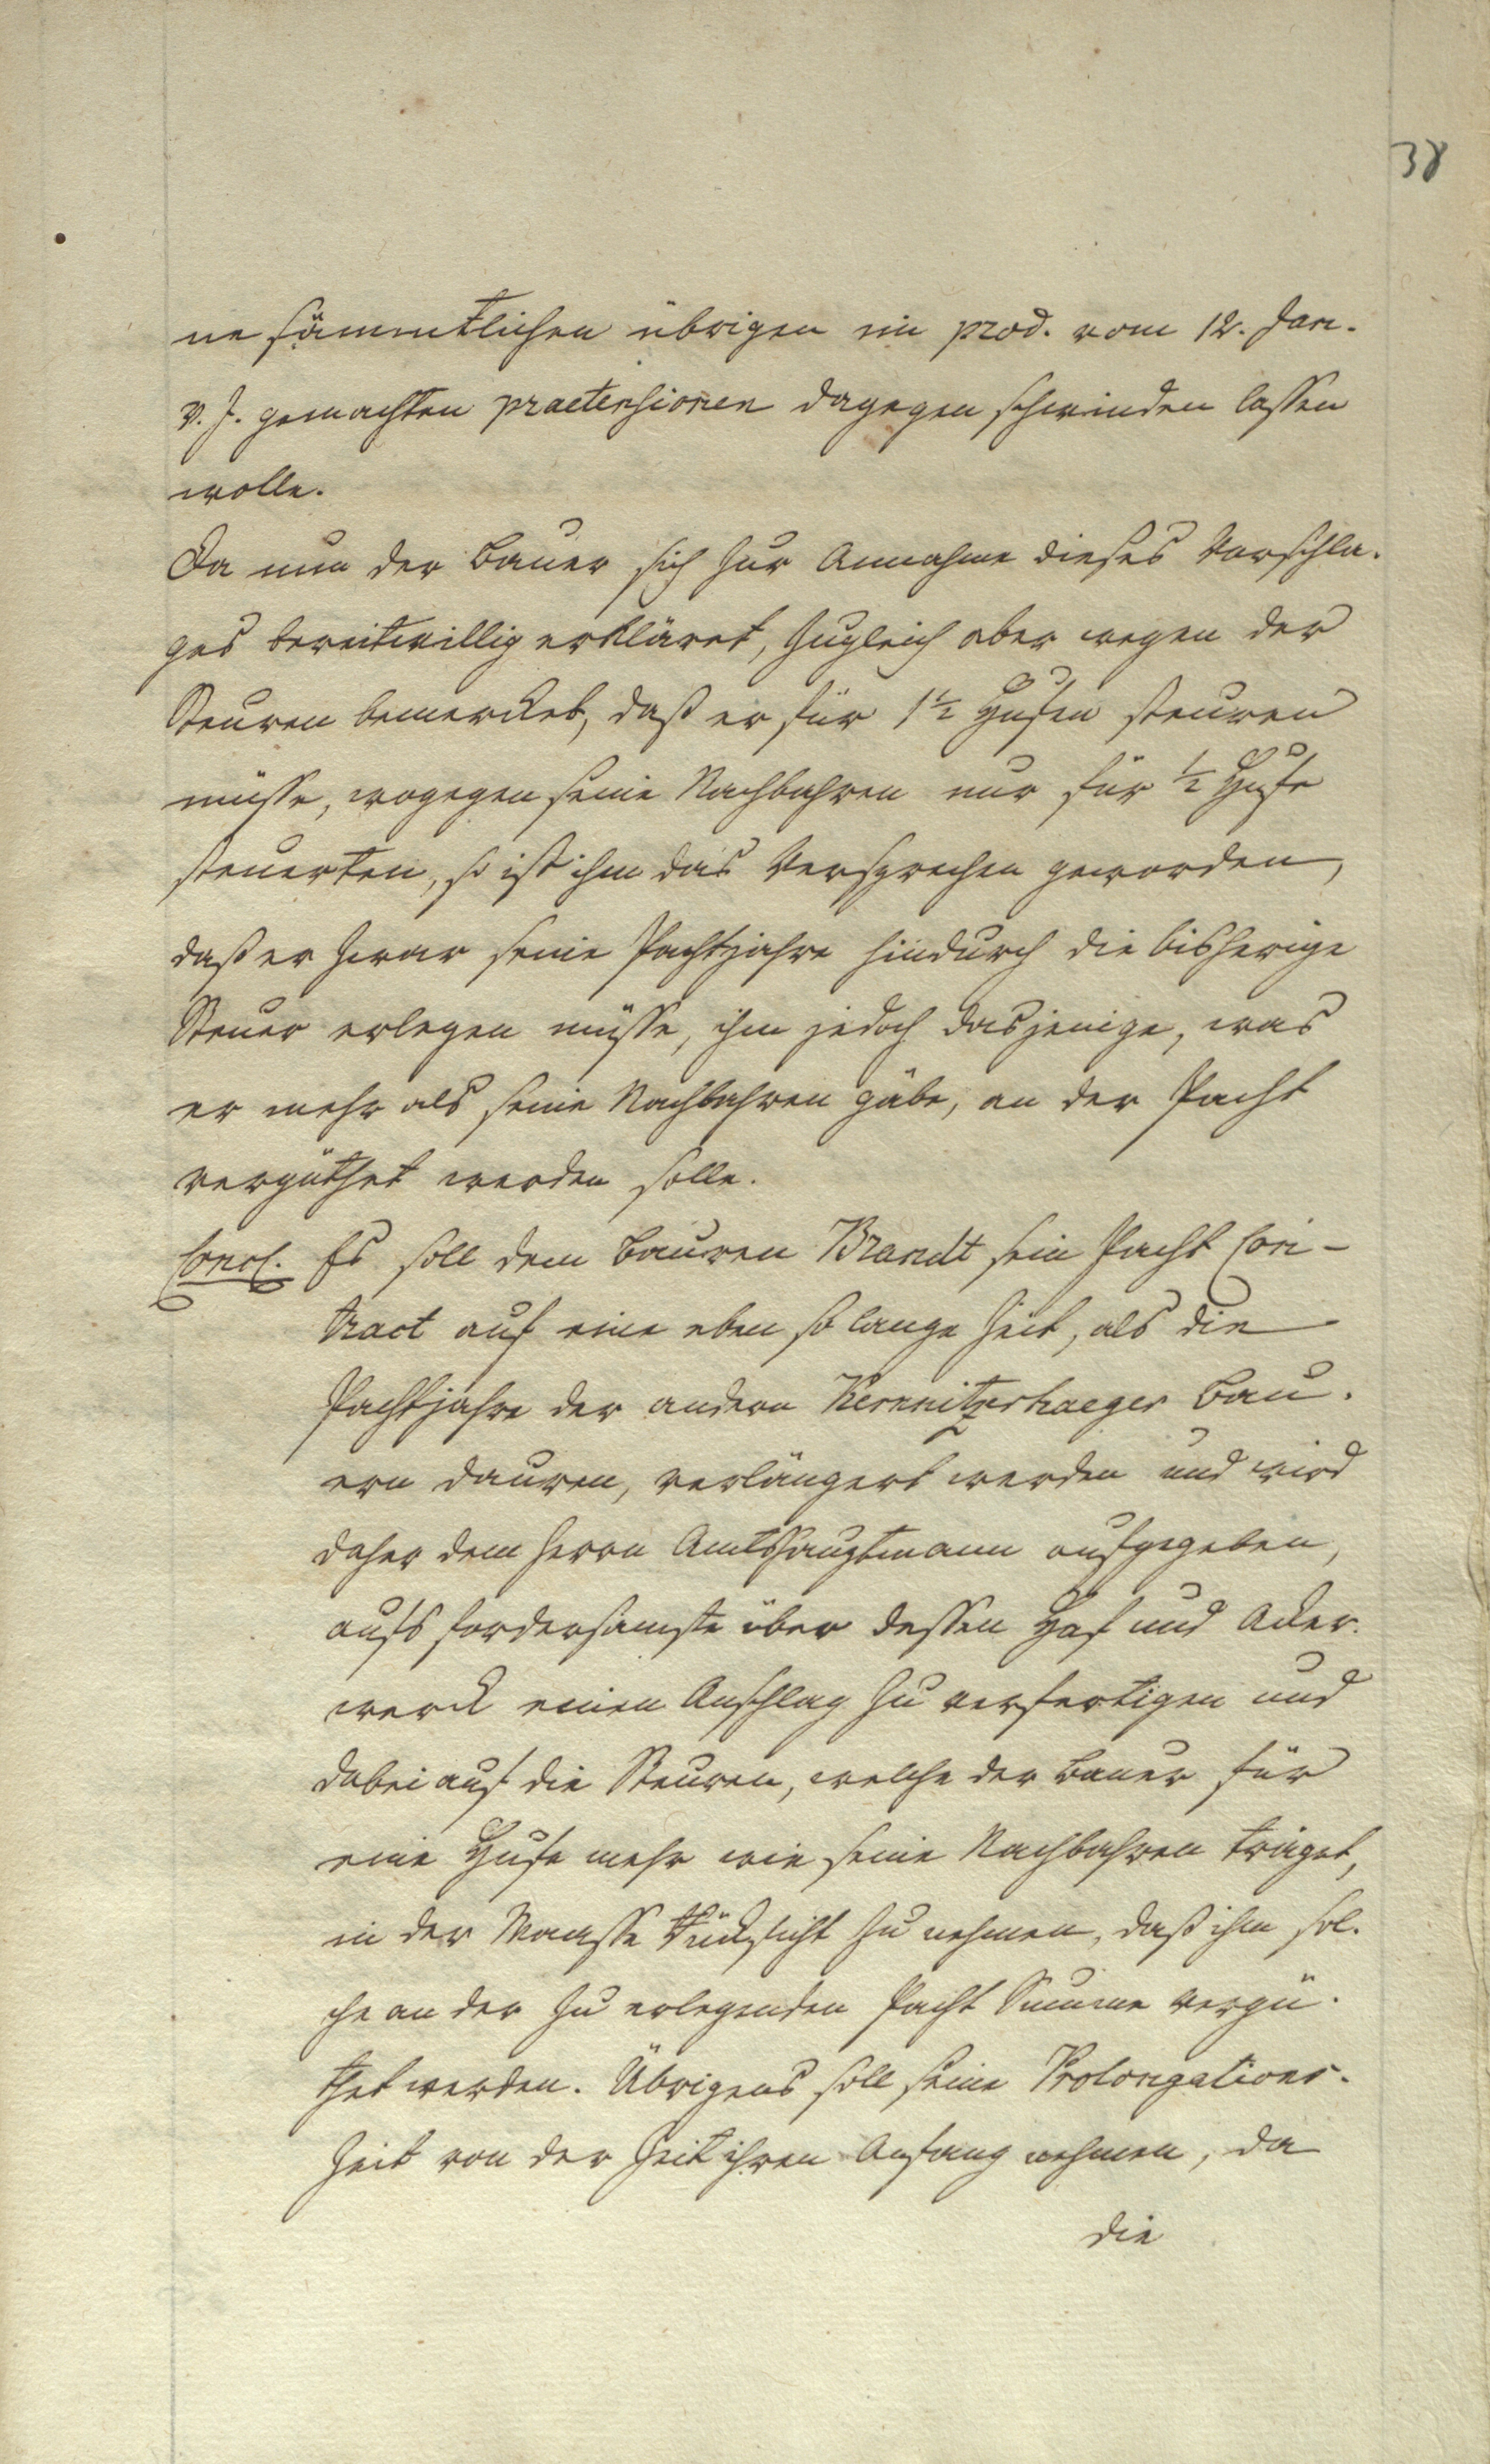ne sämmtlichen übrigen im prod. vom 12. Jan.
v. J. gemachten praetensionen dagegen schwinden lassen
wolle.
Da nun der Bauer sich zur Annahme dieses Vorschla¬
ges bereitwillig erkläret, zugleich aber wegen der
Steuren bemercket, daß er für 1½ Hufen steuren
müsse, wogegen seine Nachbahren nur für ½ Hufe
steuerten, so ist ihm das Versprechen geworden,
daß er zwar seine Pachtjahre hindurch die bisherige
Steuer erlegen müsse, ihm jedoch dasjenige, was
er mehr als seine Nachbahren gäbe, an der Pacht
vergüthet werden solle.
Concl. Es soll dem Bauren Brandt sein Pacht Con-
tract auf eine eben so lange Zeit, als die
Pachtjahre der andern Kemnitzerhaeger Bau¬
ern dauren, verlängert werden und wird
daher dem Herrn Amtshauptmann aufgegeben,
aufs fordersamste über dessen Hof und Acker¬
werck einen Anschlag zu verfertigen und
dabei auf die Steuren, welche der Bauer für
eine Hufe mehr wie seine Nachbahren träget
in der Maasse Rücksicht zu nehmen, daß ihm sol¬
che an der zu erlegenden Pacht Summe vergü¬
thet werden. Übrigens soll seine Prolongations¬
Zeit von der Zeit ihren Anfang nehmen, da
die